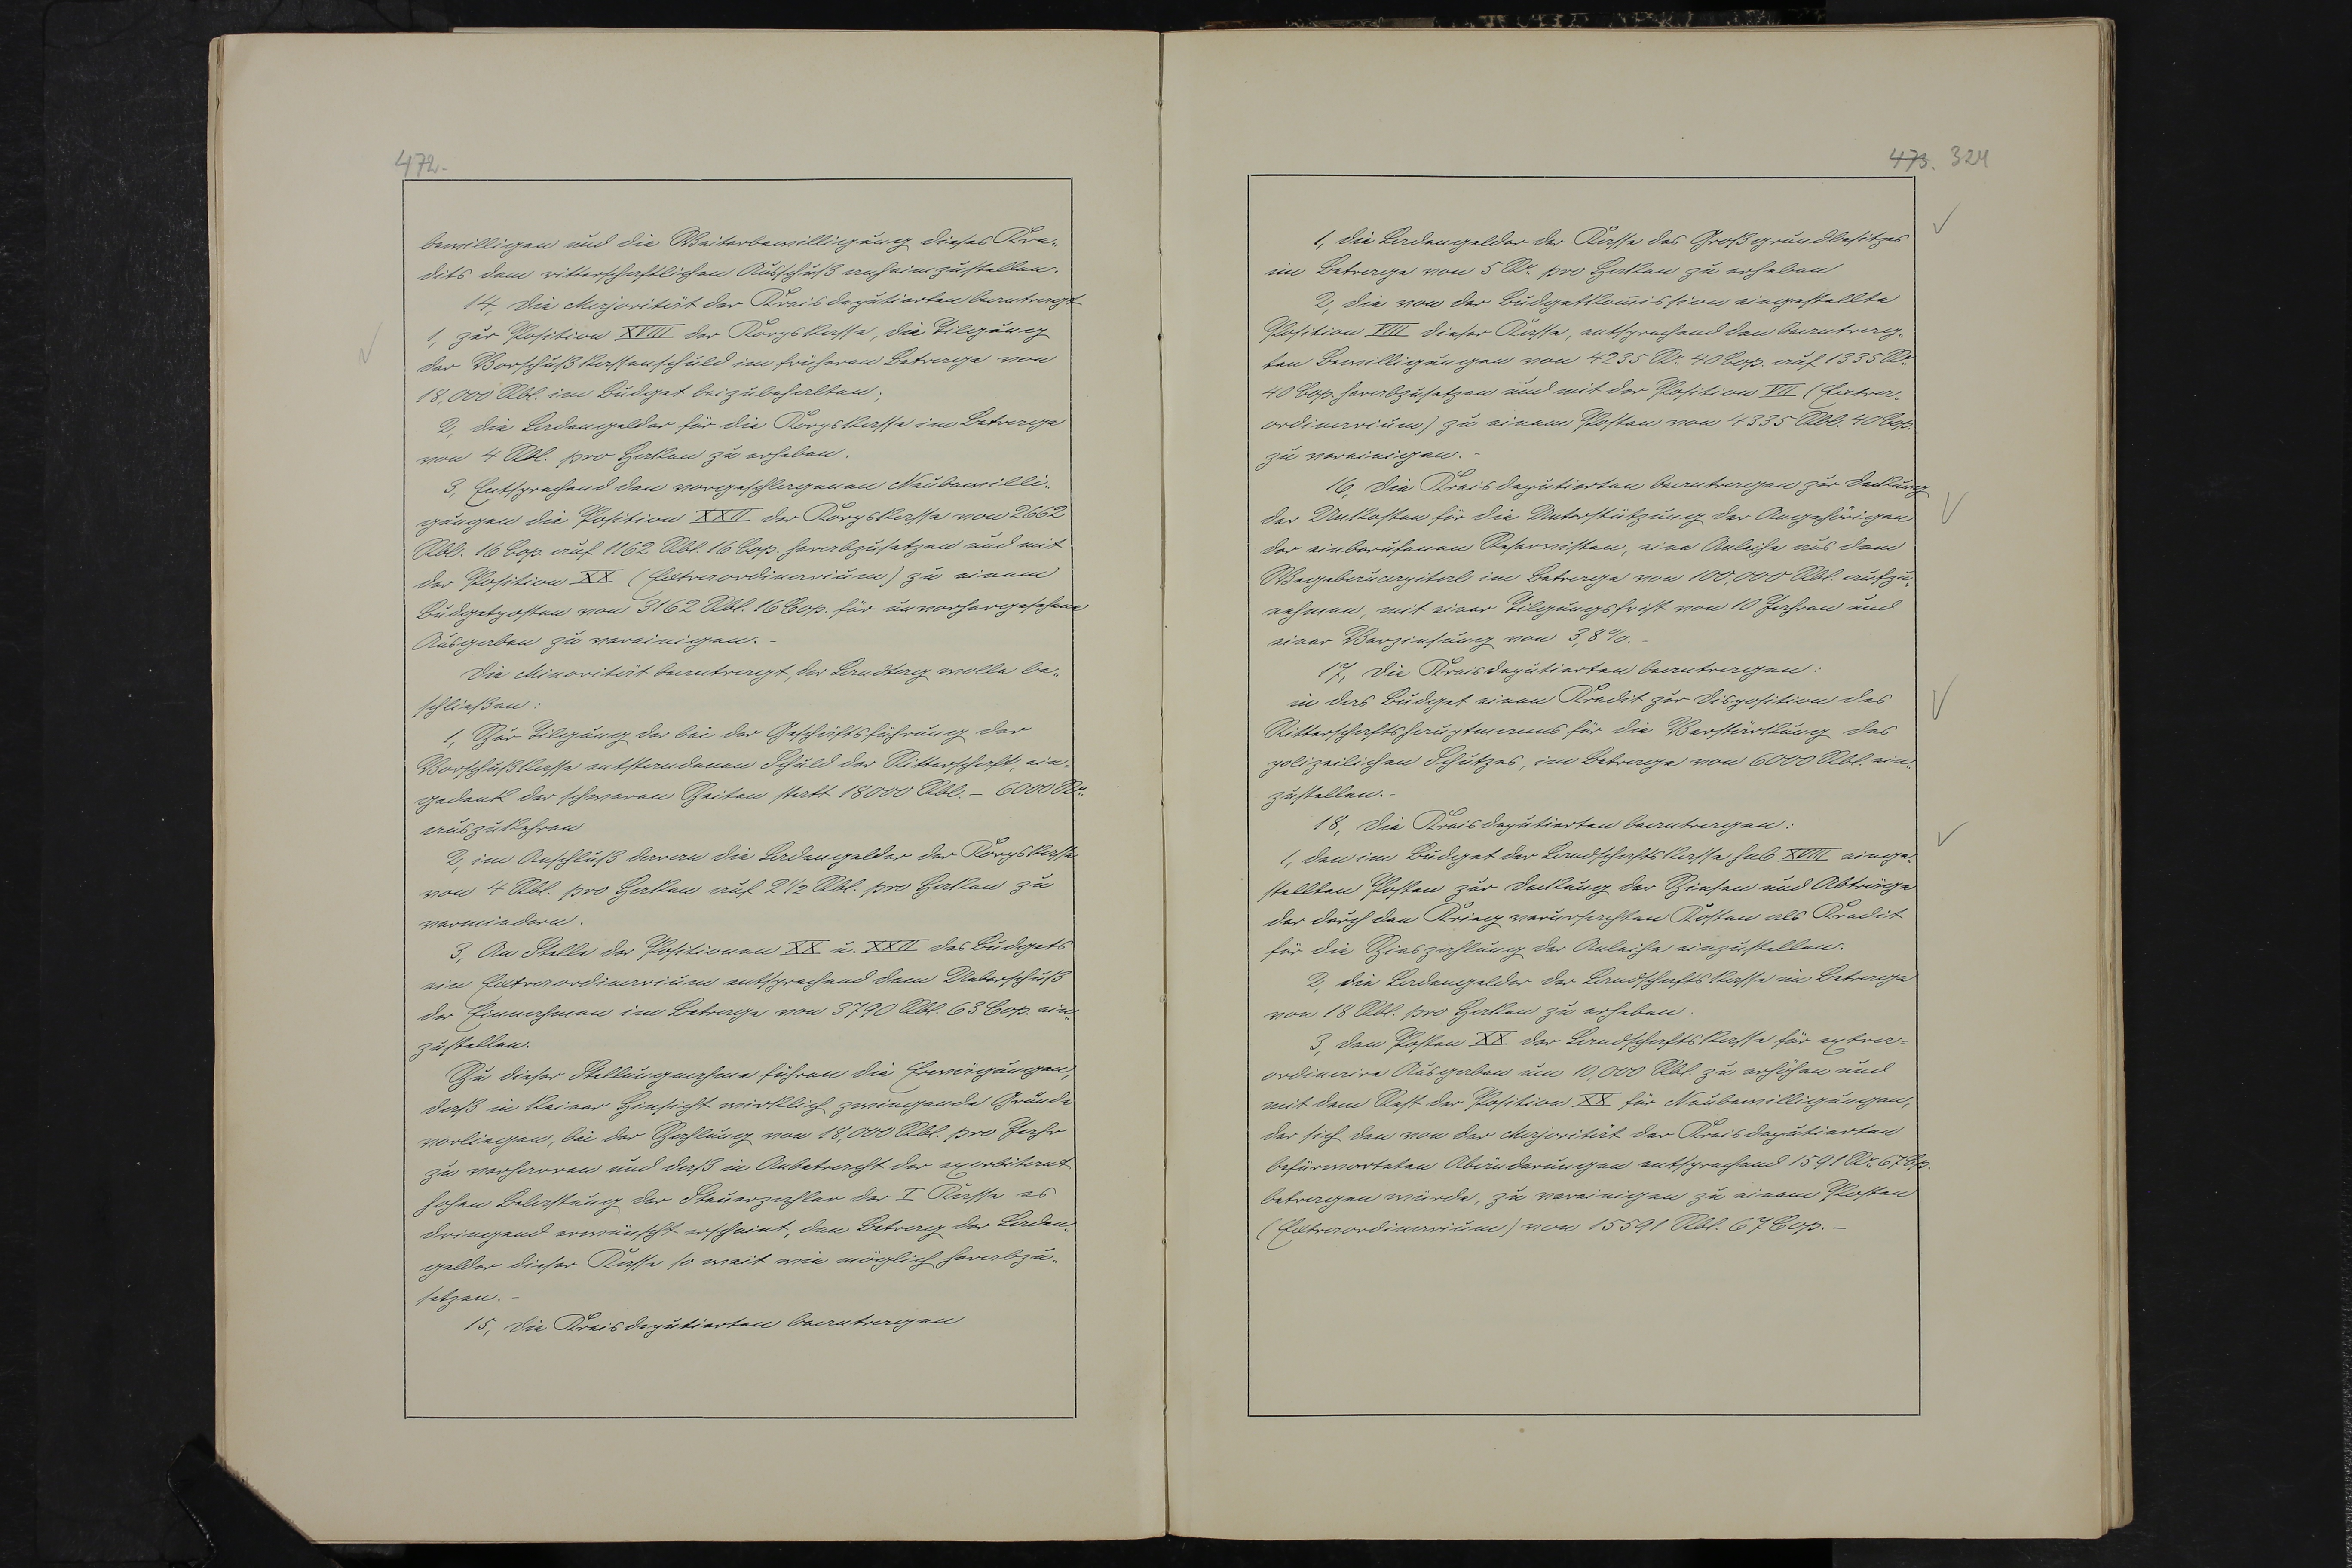bewilligen und die Weiterbewilligung dieses Kre-
dits dem ritterschaftlichen Ausschuß anheimzustellen.
14. Die Majorität der Kreisdeputierten beantragt
1. zur Position XVIII der Korpskasse, die Tilgung
der Vorschußkassenschuld im früheren Betrage von
18.000 Rbl. im Budget beizubehalten;
2. die Ladengelder für die Korpskasse im Betrage
von 4 Rbl. pro Haken zu erheben.
3. Entsprechend den vorgeschlagenen Neubewilli-
gungen die Position XXII der Korpskasse von 2662
Rbl. 16 Kop. auf 1162 Rbl. 16 Kop. herabzusetzen und mit
der Position XX (Extraordinarium) zu einem
Budgetposten von 3162 Rbl. 16 Kop. für unvorhergesehene
Ausgaben zu vereinigen.
Die Minorität beantragt, der Landtag wolle be-
schließen:
1. Zur Tilgung der bei der Geschäftsführung der
Vorschußkasse entstandenen Schuld der Ritterschaft, ein-
gedenk der schweren Zeiten statt 18000 Rbl. – 6000 Ro.
auszukehren
2. im Anschluß daran die Ladengelder der Korpskasse
von 4 Rbl. pro Haken auf 2½ Rbl. pro Haken zu
vermindern.
3. An Stelle der Positionen XX u. XXII des Budgets
ein Extraordinarium entsprechend dem Ueberschuß
der Einnahmen im Betrage von 3790 Rbl. 63 Cop. ein-
zustellen.
Zu dieser Stellungnahme führen die Erwägungen,
daß in keiner Hinsicht wirklich zwingende Gründe
vorliegen, bei der Zahlung von 18.000 Rbl. pro Jahr
zu verharren und daß in Anbetracht der exorbitant
hohen Belastung der Steuerzahler der I Kasse es
dringend erwünscht erscheint, den Betrag der Laden-
gelder dieser Kasse so weit wie möglich herabzu-
setzen.
15. Die Kreisdeputierten beantragen
1. Die Ladengelder der Kasse des Großgrundbesitzes
im Betrage von 5 Ro. pro Haken zu erheben
2. die von der Budgetkommission eingestellte
Position VIII dieser Kasse, entsprechend den beantrag-
ten Bewilligungen von 4235 Ro. 40 Cop. auf 1335 Ro.
40 Cop. herabzusetzen und mit der Position VII (Extra-
ordinarium) zu einem Posten von 4335 Rbl. 40 Cop.
zu vereinigen.
16. Die Kreisdeputierten beantragen zur Deckung
der Unkosten für die Unterstützung der Angehörigen
der einberufenen Reservisten, eine Anleihe aus dem
Wegebaucapital im Betrage von 100.000 Rbl. aufzu-
nehmen, mit einer Tilgungsfrist von 10 Jahren und
einer Verzinsung von 3,8 %.
17. Die Kreisdeputierten beantragen:
in das Budget einen Kredit zur Disposition des
Ritterschaftshauptmanns für die Verstärkung des
polizeilichen Schutzes, im Betrage von 6000 Rbl. ein-
zustellen.
18. Die Kreisdeputierten beantragen:
1. den im Budget der Landschaftskasse sub XVIII einge-
stellten Posten zur Deckung der Zinsen und Abträge
der durch den Krieg verursachten Kosten als Kredit
für die Zinszahlung der Anleihe einzustellen.
2. die Ladengelder der Landschaftskasse im Betrage
von 18 Rbl. pro Haken zu erheben.
3. den Posten XX der Landschaftskasse für extra-
ordinaire Ausgaben um 10.000 Rbl. zu erhöhen und
mit dem Rest der Position XX für Neubewilligungen,
der sich den von der Majorität der Kreisdeputierten
befürworteten Abänderungen entsprechend 1591 Ro. 67 Cop.
betragen würde, zu vereinigen zu einem Posten
(Extraordinarium) von 15591 Rbl. 67 Cop.